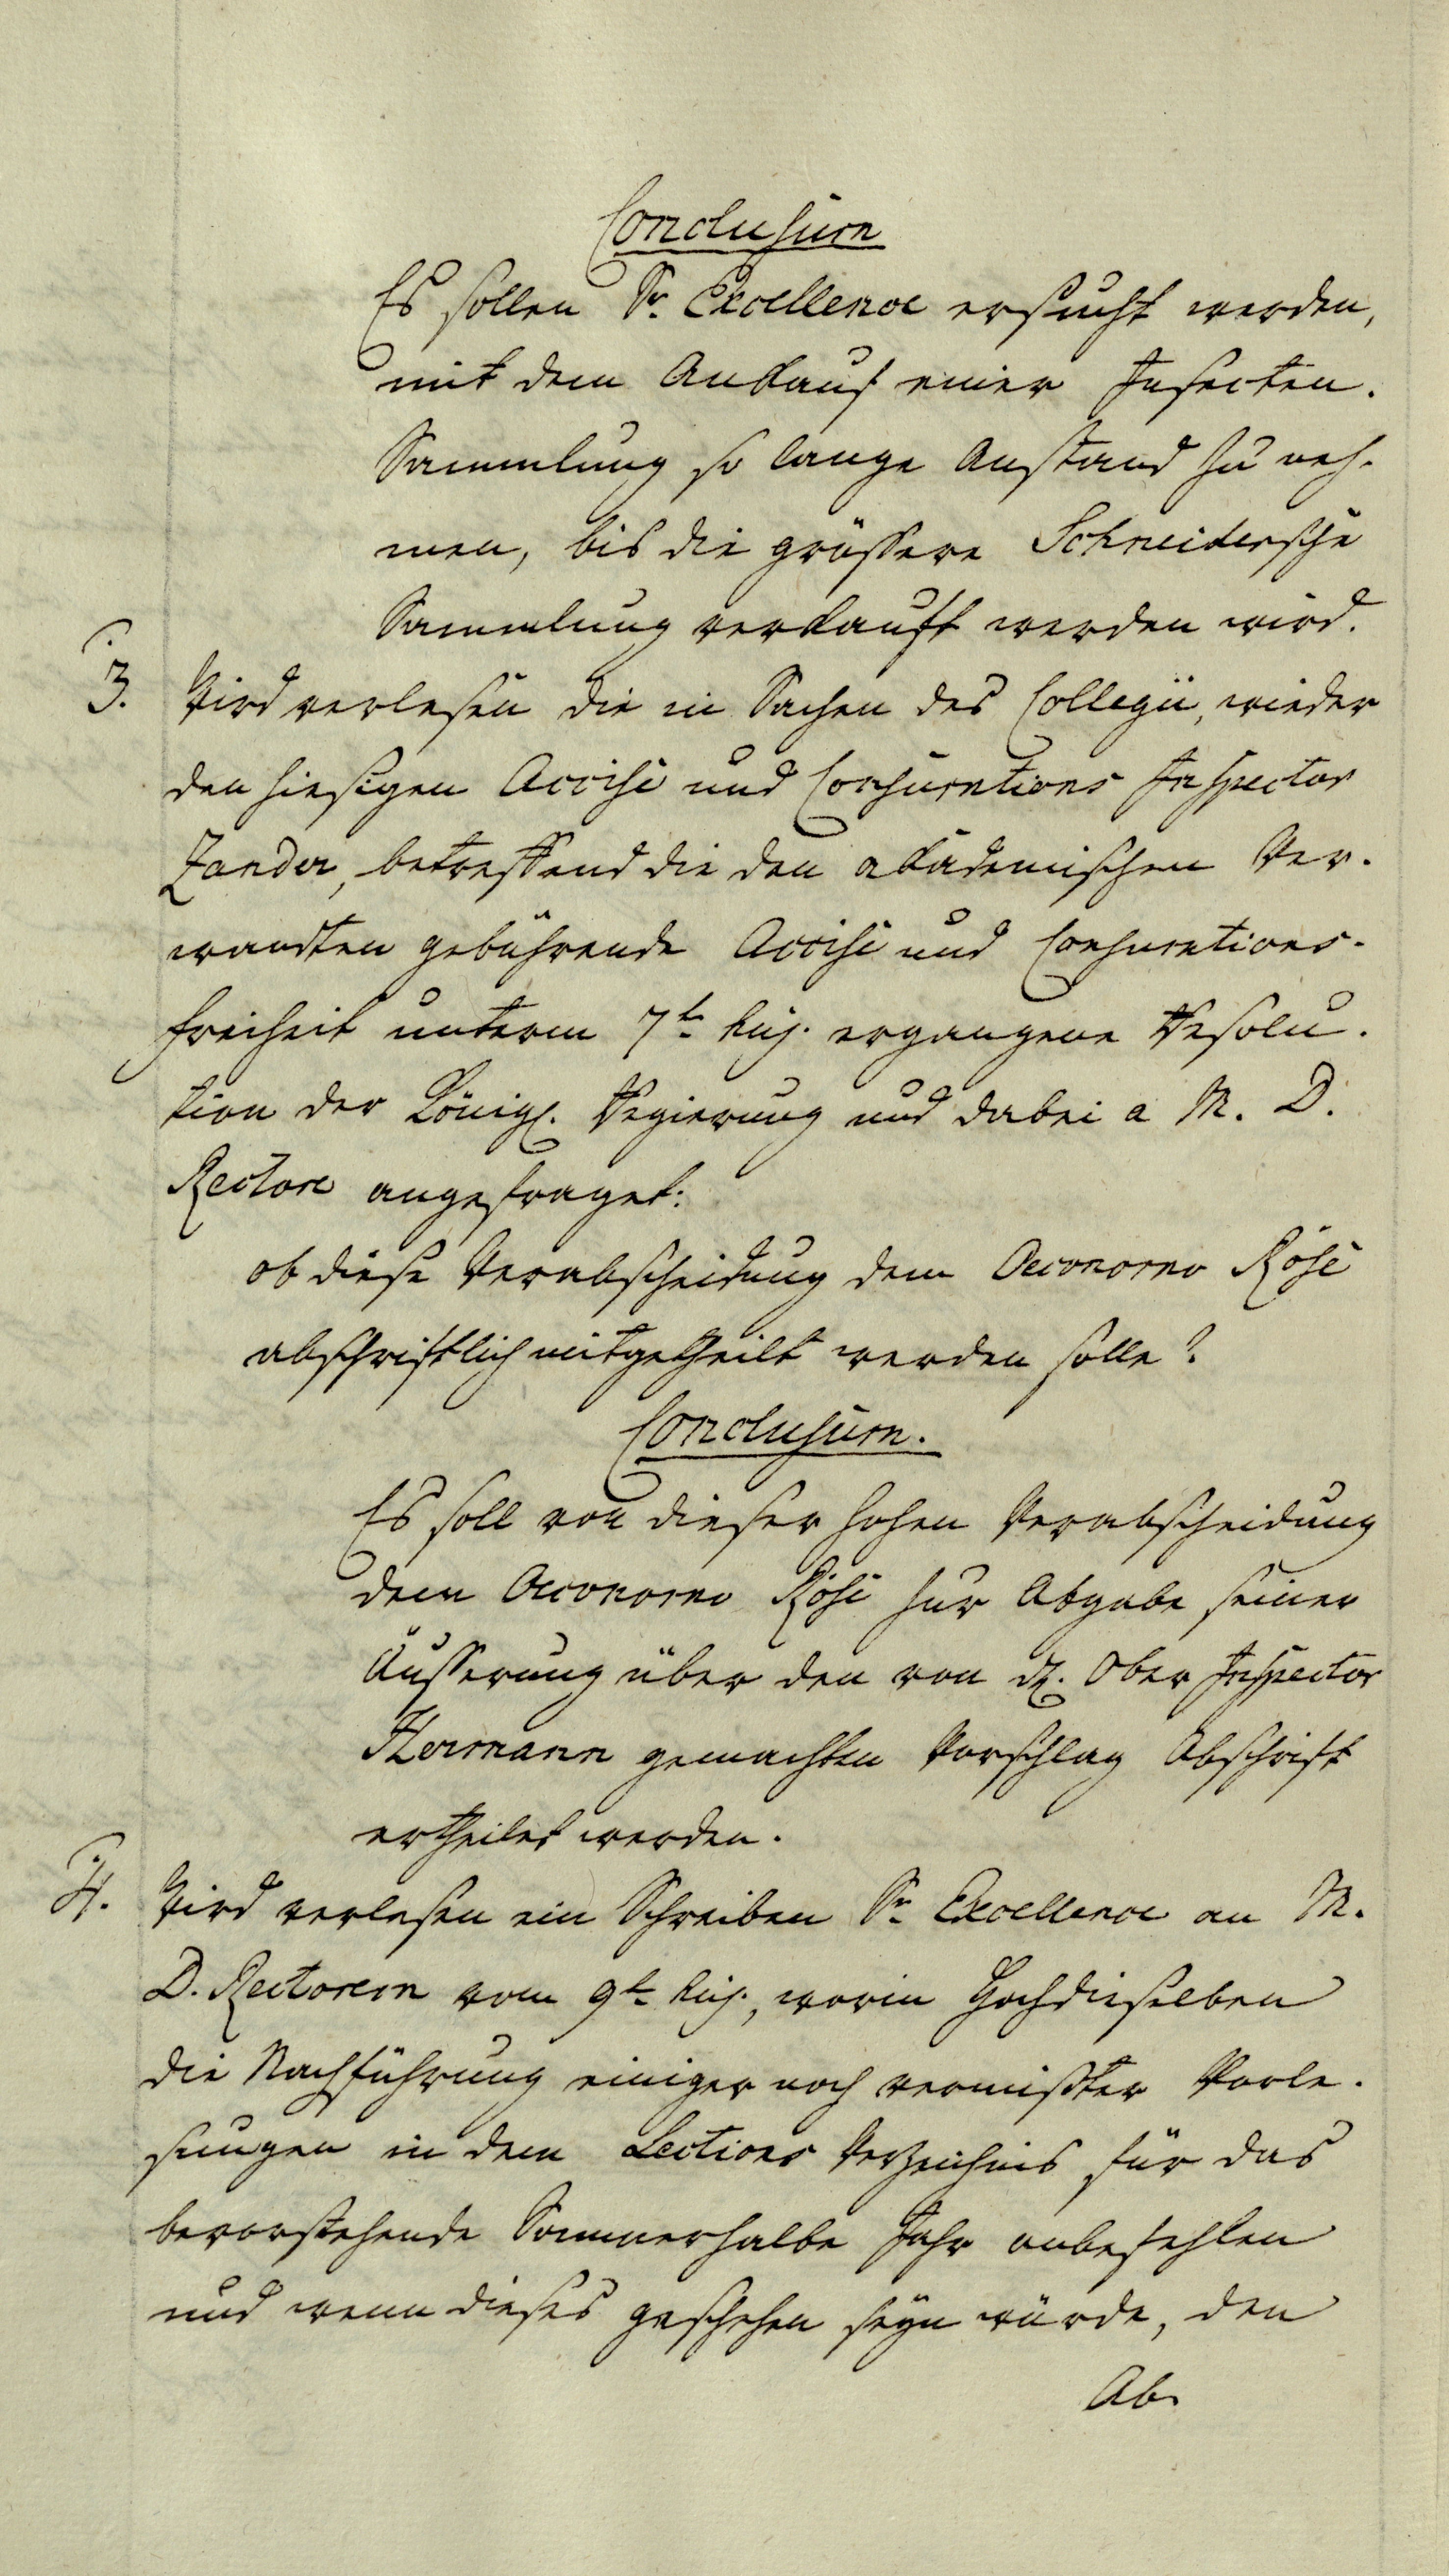Conclusum
Es sollen Sr Excellence ersucht werden,
mit dem Ankauf einer Insecten¬
Sammlung so lange Anstand zu neh¬
men, bis die grössere Schneidersche
Sammlung verkauft werden wird.
3. Wird verlesen die in Sachen des Collegii, wieder
den hiesigen Accisi und Consumtions Inspector
Zander, betreffend die den akademischen Ver¬
wandten gebührende Accisi und Consumtions¬
Freiheit unterm 7 ten huj. ergangene Resolu¬
tion der Königl. Regierung und dabei a M. D.
Rector angefraget:
ob diese Verabscheidung dem Oeconomo Röse
abschriftlich mitgetheilt werden solle?
Conclusum.
Es soll von dieser hohen Verabscheidung
dem Oeconomo hohe zur Abgabe seiner
Äusserung über den von dh. Ober Inspector
Hermann gemachten Vorschlag Abschrift
ertheilet werden.
4. Wird verlesen ein Schreiben Sr Excellence an M.
D. Rectorem vom 9 ten huj., worin Hochdieselben
die Nachführung einiger noch vermißter Vorle¬
sungen in dem Lections Verzeichnis für das
bevorstehende Sommerhalbe Jahr anbefehlen
und wenn dieses geschehen seÿn würde, den
Ab¬